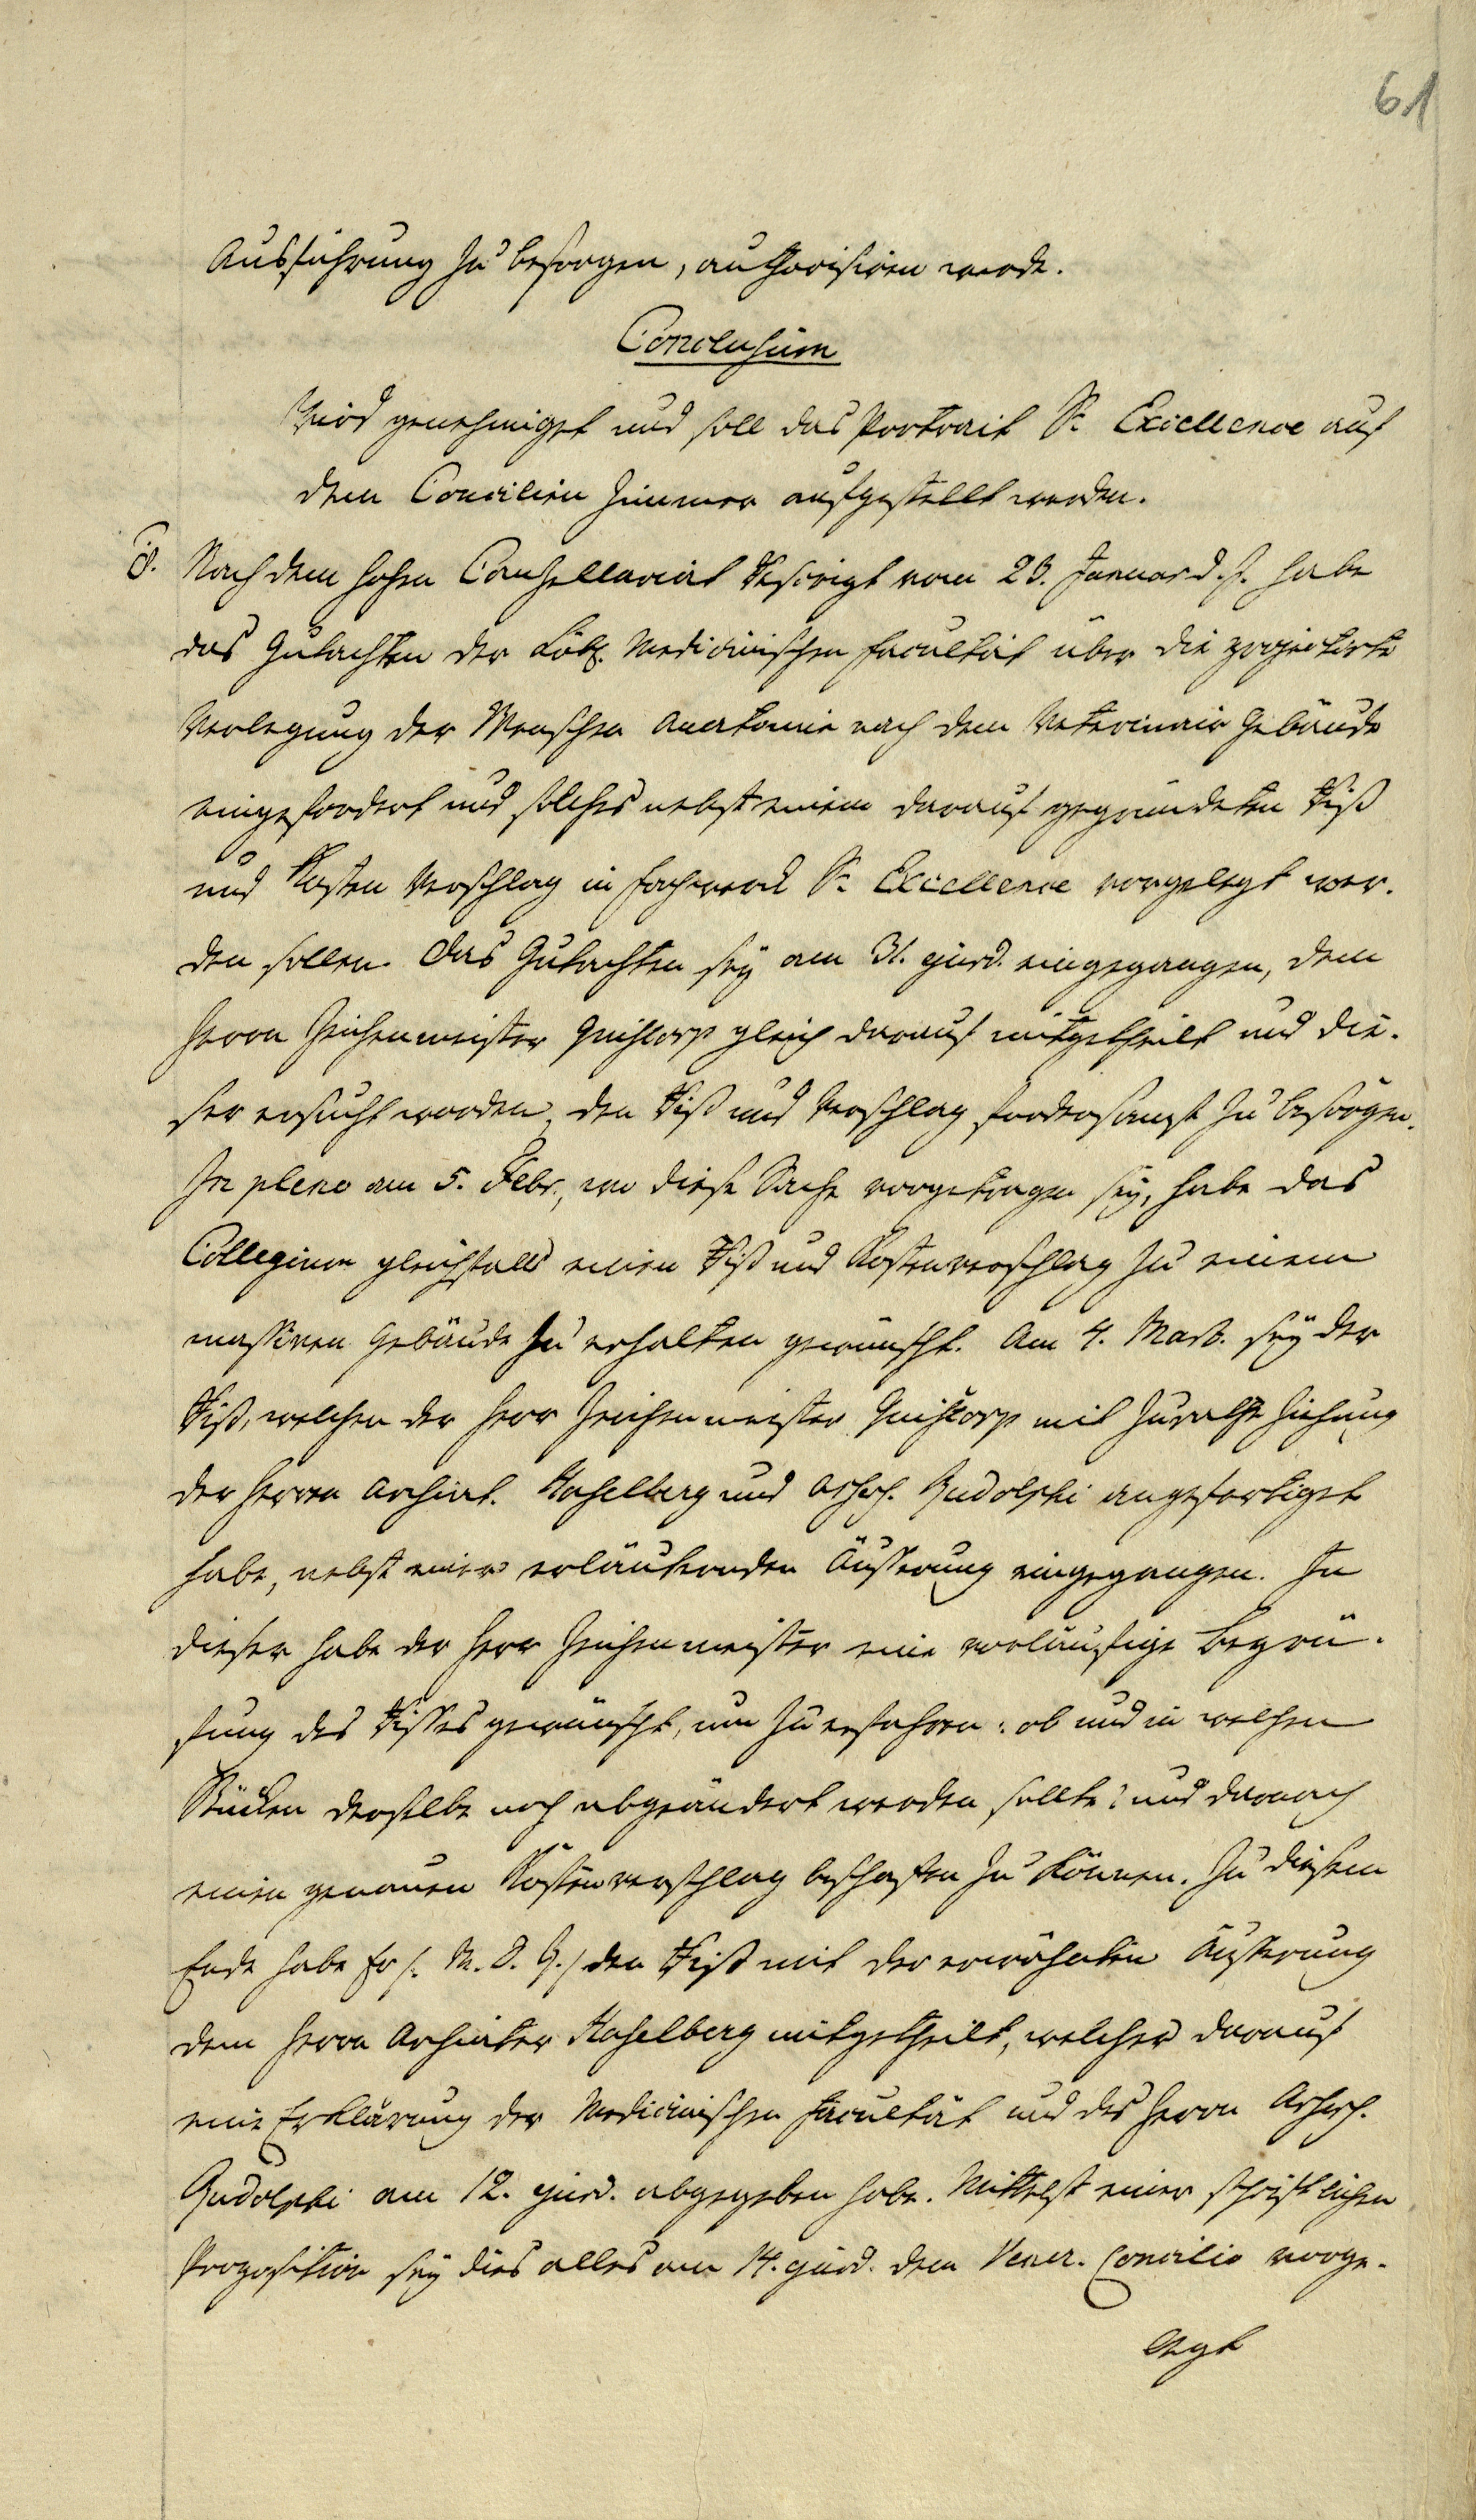Ausführung zu besorgen, authorisiren werde.
Conclusum
Wird genehmiget und soll das Portrait Sr. Excellence auf
dem Concilien Zimmer aufgestellt werden.
8. Nach dem hohen Canzellariat Rescript vom 23. Januar d. J. habe
das Gutachten der Löbl. Medicinischen Facultät über die projectirte
Verlegung der Menschen Anatomie nach dem Veterinair Gebäude
eingefordert und solches nebst einem darauf gegründeten Riß
und Kosten Verschlag in Fachwerck Sr Excellence vorgelegt wer¬
den sollen. Das Gutachten seÿ am 31. ejusd. eingegangen, dem
Herrn Zeichenmeister Quistorp gleich darauf mitgetheilt und die¬
ser ersucht worden, den Riß und Verschlag fordersamst zu besorgen.
In pleno am 5. Febr., wo diese Sache vorgetragen seÿ, habe das
Collegium gleichfalls einen Riß und Kostenverschlag zu einem
massiven Gebäude zu erhalten gewünscht. Am 4. Mart. seÿ der
Riß, welchen der Herr Zeichenmeister Quistorp mit ZuratheZiehung
der Herren Archiat. Haselberg und Assess. Rudolphi angefertiget
habe, nebst einer erläuternden Äusserung eingegangen. In
dieser habe der Herr Zeichenmeister eine vorläufige Beprü¬
fung des Risses gewünscht, um zu erfahren: ob und in welchen
Stücken derselbe noch abgeändert werden sollte: und darnach
einen genauen Kostenverschlag beschafen zu können. Zu diesem
Ende habe Er /. M. D. R./ den Riß mit der erwähnten Äusserung
dem Herrn Archiater Haselberg mitgetheilt, welcher darauf
eine Erklärung der Medicinischen Facultät und des Herrn Assess.
Rudolphi am 12. ejusd. abgegeben habe. Mittelst einer schriftlichen
Proposition seÿ dies alles am 14. ejusd. dem Vener. Concilio vorge¬
legt